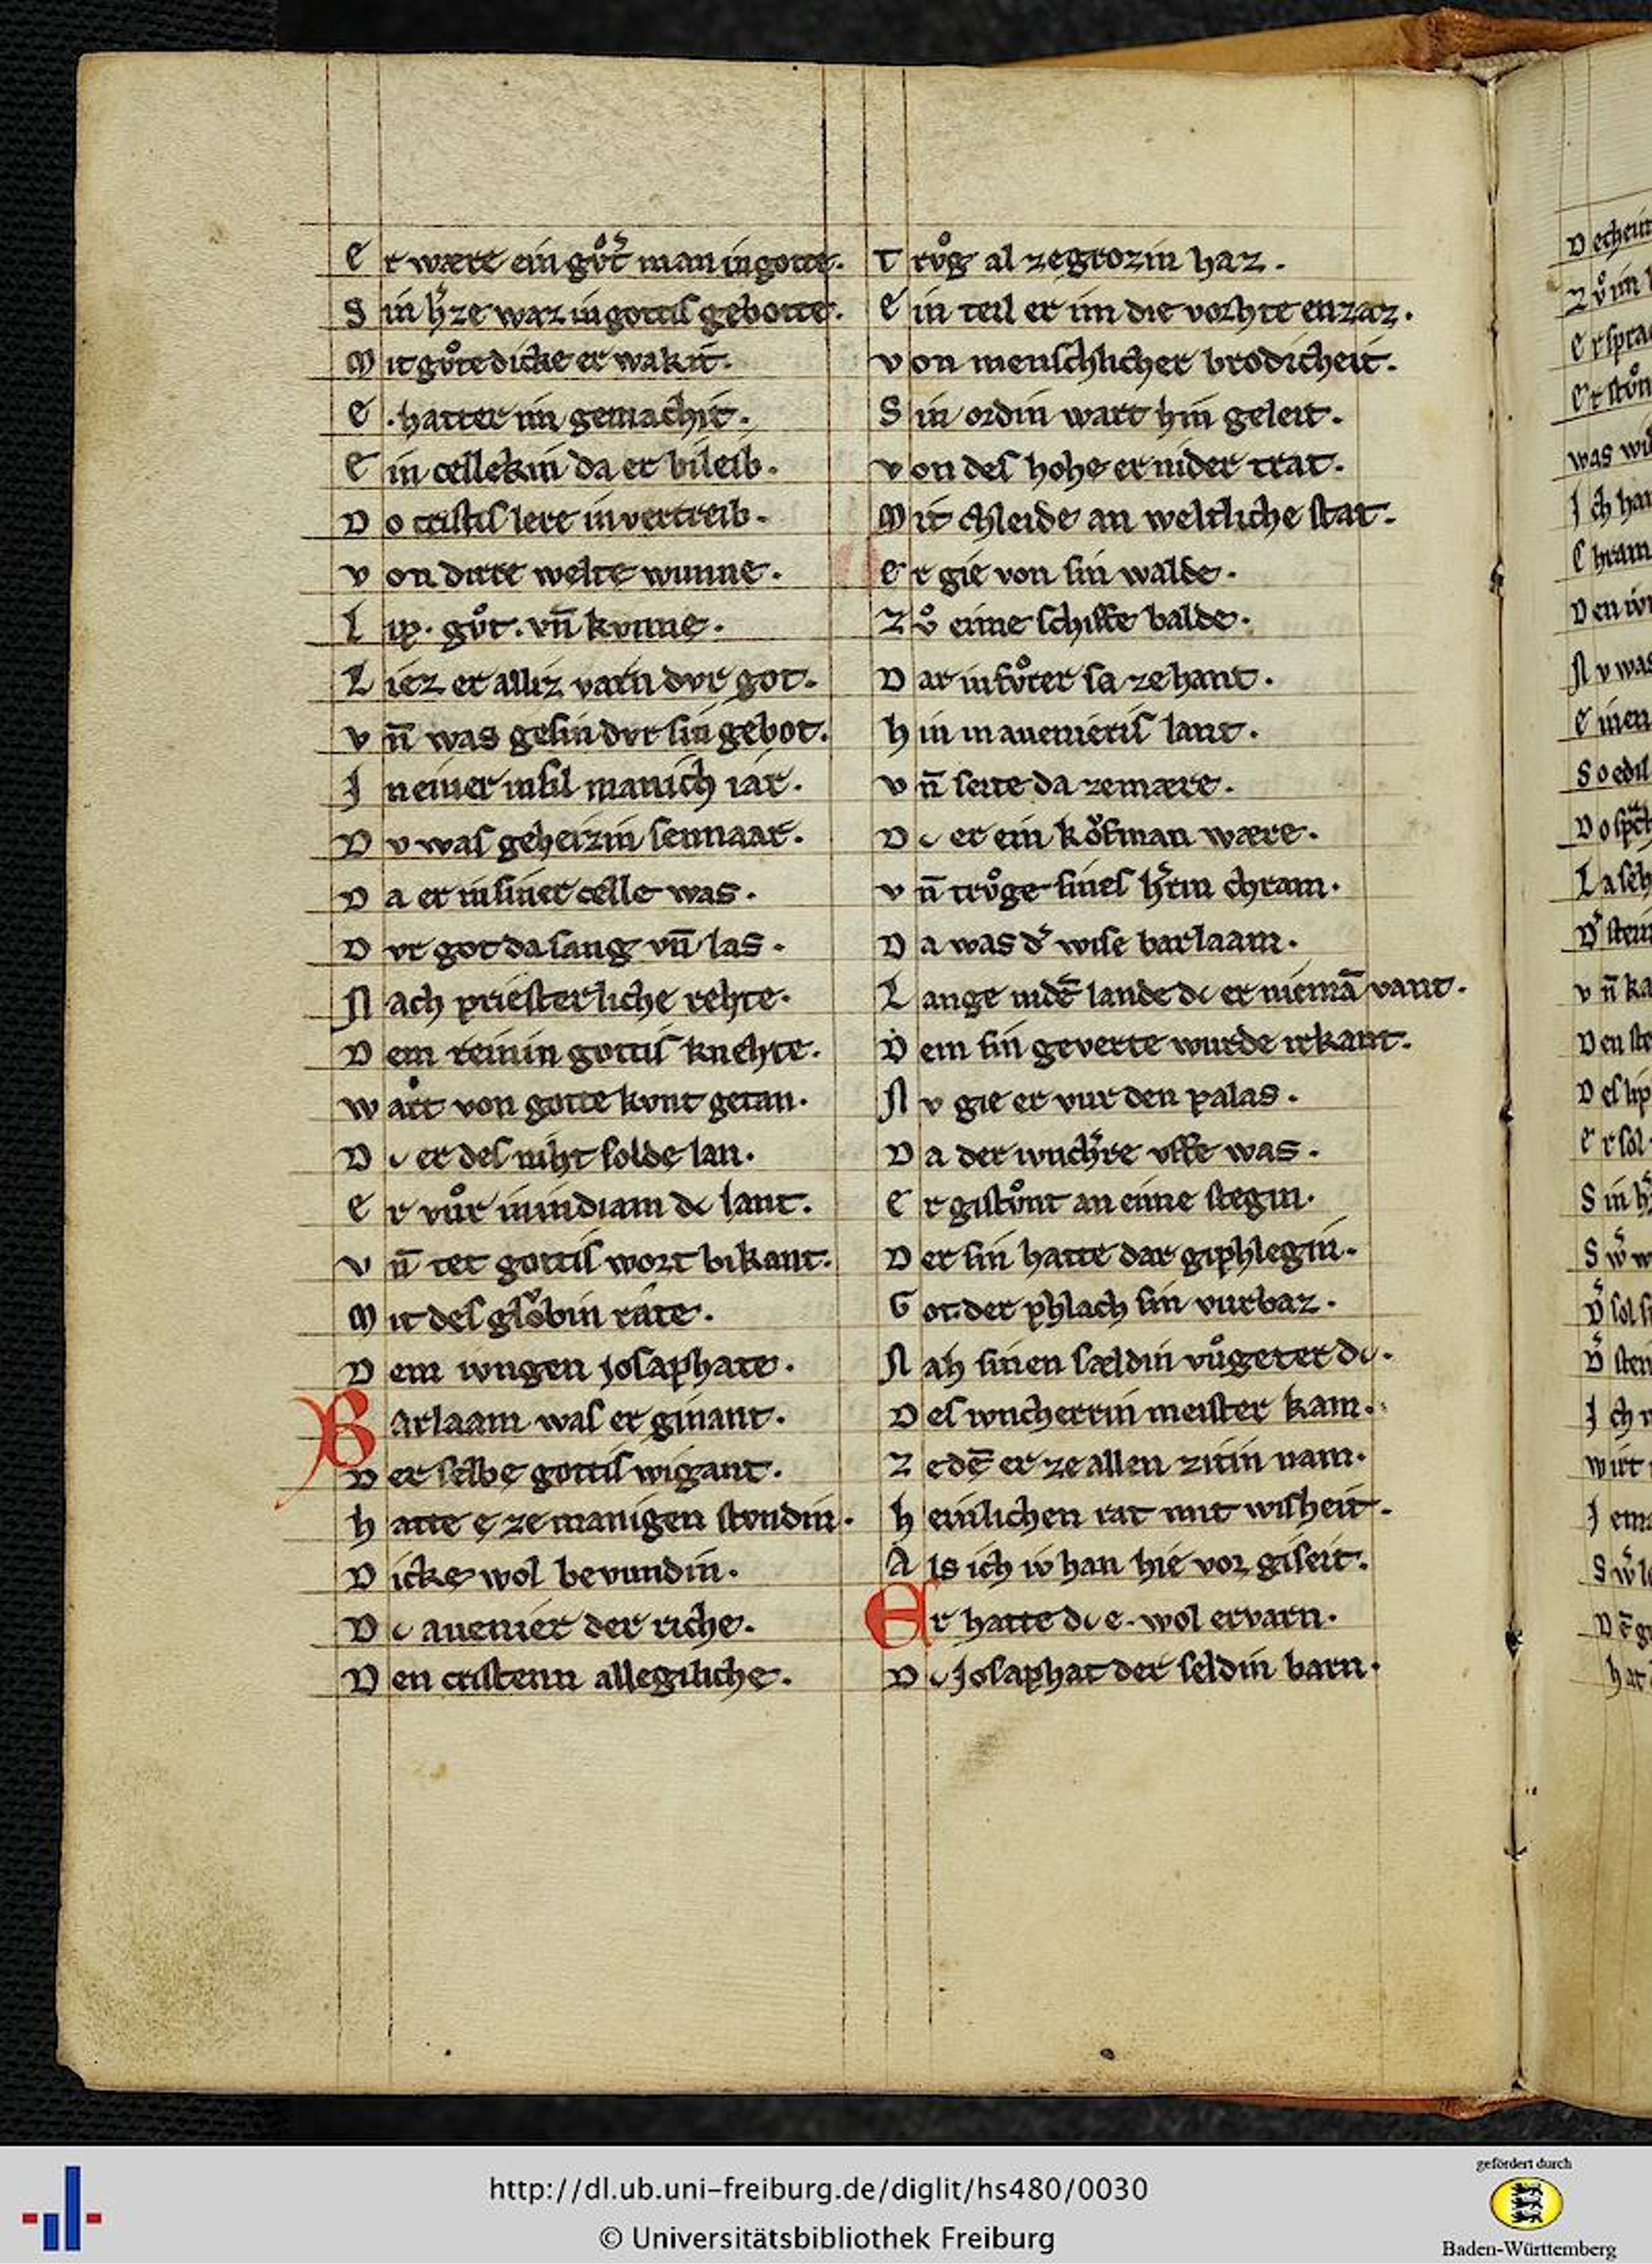Er w[ae]re ein gv°ot(er) man in gotte.
Sin h(er)ze waz in gottiſ gebotte.
Mit gv°ote dicke er wakit.
E. hatter im gemachit.
Ein cellekin da er bileib.
Do criſtiſ lere in vertreib.
Von dirre welte wunne.
Lip. gv°ot. vn(d) kvnne.
Liez er alliz varn dvr got.
Vn(d) was geſin dvr ſin gebot.
In einer inſil manich iar.
Dv waſ geheizin ſennaar.
Da er in ſiner celle was.
Dvr got da ſang vn(d) las.
Nach prieſterliche rehte.
Dem reinin gottiſ knehte.
Wart von gotte kvnt getan.
D(az) er deſ niht ſolde lan.
Er vu°or inindiam d(az) lant.
Vn(d) tet gottiſ wort bikant.
Mit deſ glo°vbin rate.
Dem ivngen joſaphate.
**Barlaam waſ er ginant.
Der ſelbe gottiſ wigant.
Hatte e ze manigen ſtvndin.
Dicke wol bevundin.
D(az) auenier der riche.
Den criſtenn allegiliche.
Trv°og al zegrozin haz.
Ein teil er im die vorhte enzaz.
Von menſchlicher brodicheit.
Sin ordin wart hin geleit.
Von deſ hohe er nider trat.
Mit chleide an weltliche ſtat.
Er gie von ſin walde.
Zv°o eime ſchiffe balde.
Dar in fv°orer ſa ze hant.
Hin in auenieriſ lant.
Vn(d) ſeite da zem[ae]re.
D(az) er ein ko°vfman w[ae]re.
Vn(d) trv°oge ſineſ h(er)rin chram.
Da was d(er) wiſe barlaam.
Lange inde(m) lande d(az) er niema(n) vant.
Dem ſin geverte wurde irkant.
Nv gie er vur den palas.
Da der ivnch(er)re vffe was.
Er giſtv°ont an eime ſtegin.
Der ſin hatte dar giphlegin.
Got. der phlach ſin vurbaz.
Nah ſinen ſ[ae]ldin vu°ogeter d(az).
Deſ ivncherrin meiſter kam.
Zede(m) er ze allen zitin nam.
Heinlichen rat mit wiſheit.
Als ich iv han hie vor giſeit.
*Er hatte daz e. wol ervarn.
D(az) Joſaphat der ſeldin barn.